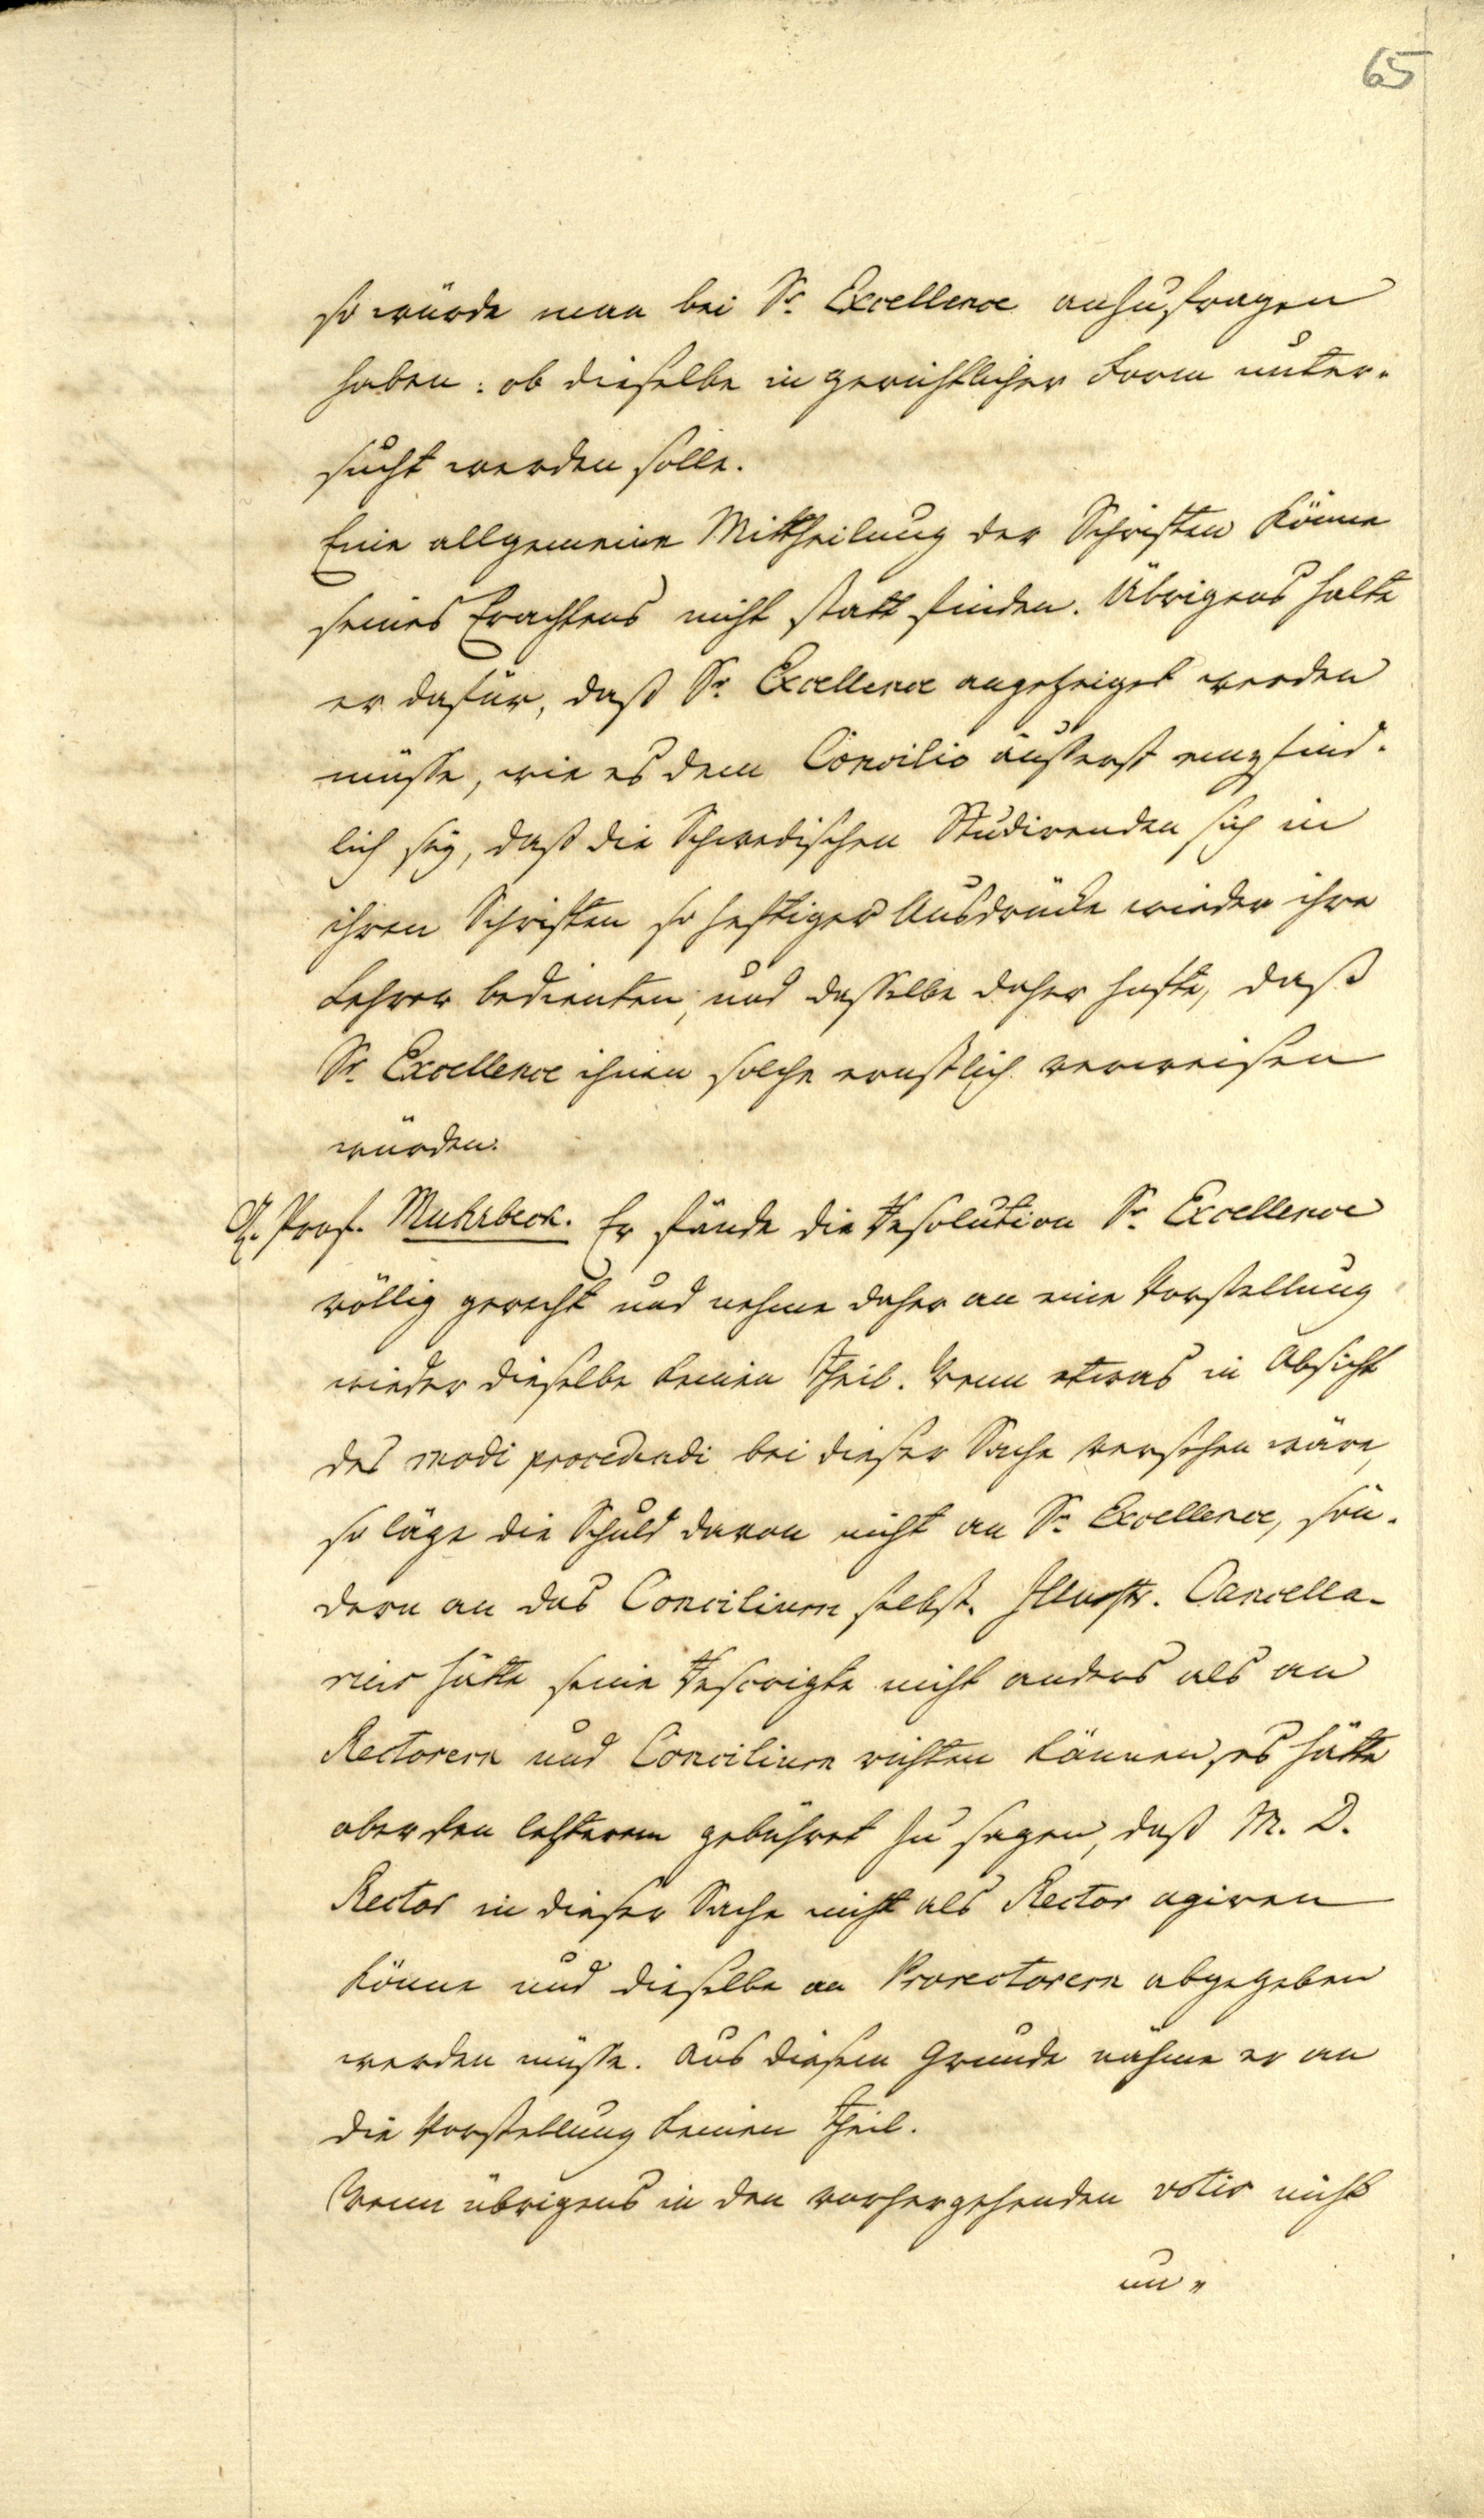so würde man bei Sr Excellence anzufragen
haben: ob dieselbe in gerichtlicher Form unter¬
suchte werden solle.
Eine allgemeine Mittheilung der Schriften könne
seines Erachtens nicht statt finden. Übrigens halte
er dafür, daß Sr Excellence angezeiget werden
müsse, wie es dem Concilio äusserst empfind¬
lich seÿ, daß die Schwedischen Studirenden sich in
ihren Schriften so heftiger Ausdrücke wieder ihre
Lehrer bedienten, und dasselbe daher hofte, daß
Sr Excellence ihnen solche ernstlich verweisen
würden.
dh. Prof. Muhrbeck. Er fände die Resolution Sr Excellence
völlig gerecht und nehme daher an eine Vorstellung
wieder dieselbe keinen Theil. Wenn etwas in Absicht
des modi procedendi bei dieser Sache versehen wäre
so läge die Schuld davon nicht an Sr. Excellence, son¬
dern an das Concilium selbst. Illust. Cancella¬
rius hätte seine Rescripte nicht anders als an
Rectorem und Concilium richten können, es hätte
aber den letzterem gebühret zu sagen, daß M. D.
Rector in dieser Sache nicht als Rector agiren
könne und dieselbe an Prorectorem abgegeben
werden müsse. Aus diesem Grunde nähme er an
die Vorstellung keinen Theil.
Wenn übrigens in den vorhergehenden votis nicht
un